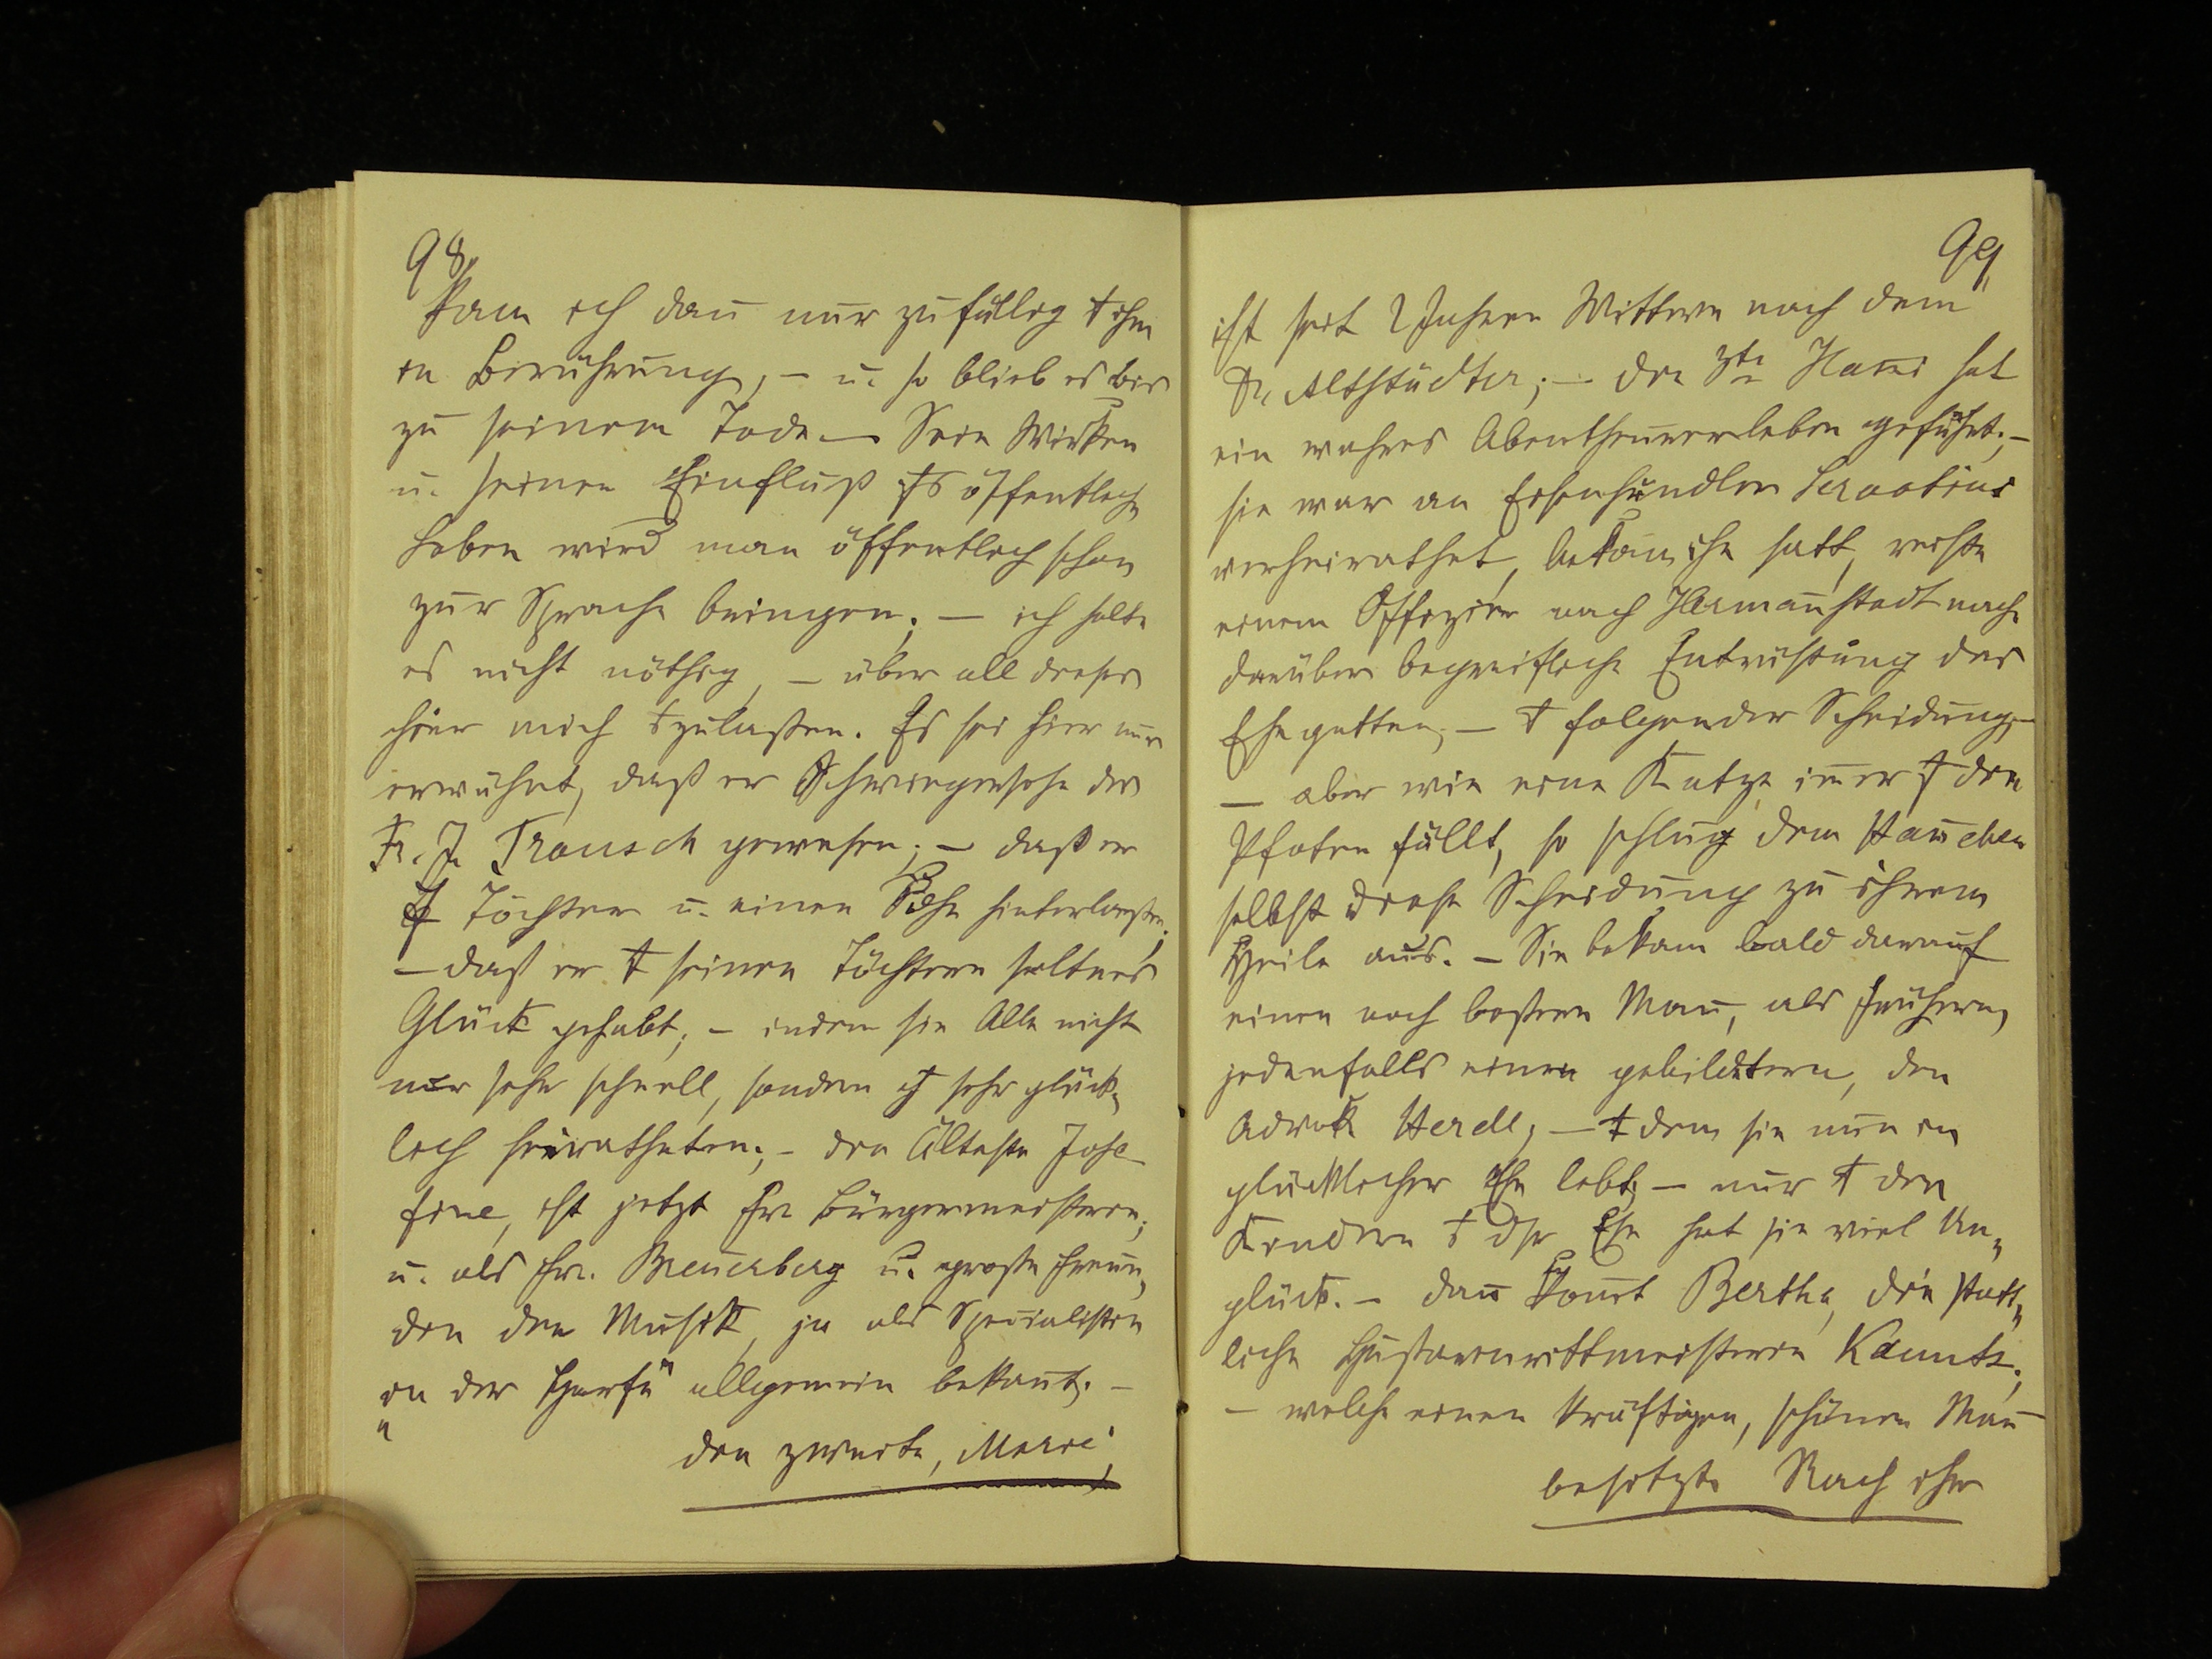98
kam ich dann nur zufällig mit ihm
in Berührung,-und so blieb es bis
zu seinem Tode.-Sein Wirken
und seinen Einfluss aufs öffentliche
Leben wird man öffentlich schon
zur Sprache bringen.-Ich halte
es nicht nöthig,- über all dieses
hier mich auszulassen Es sei hier nur
erwähnt, daß er Schwiegersohn des
Fr. J. Trausch gewesen;- daß er
7 Töchter und einen Sohn hinterlassen;
- Daß er mit seinen Töchtern seltenes
Glück gehabt;- indem sie alle nicht
nur sehr schnell, sondern auch sehr glück¬
lich heiratheten;- Die älteste Jose¬
fine, ist jetzt Fr. Bürgermeisterin
als Fr. Brennerberg und große Herrin
von der Musik, ja als Spezialistin
an der „Harfe“ allgemein bekannt.-
die zweite Marie
99
ist seit 2 Jahren Wittwe nach dem
Dr. Altstädter;- Die 3-te Hanni hat
ein wahres Abentheuerleben geführt,-
sie war an Eisenhändler Servatius
verheiratet, bekam ihn satt, reiste
einem Offizier nach Hermanstadt nach
darüber begreifliche Entrüstung des
Ehegatten;- mit folgender Scheidung,
-aber wie eine Katze immer auf die
Pfoten fällt , so schlug dem Hännchen
selbst diese Scheidung zu ihrem
Heile aus.- Sie bekam bald darauf
einen noch besseren Mann als früher,
jedenfalls einen gebildeteren, den
Adrock Herell ,-mit dem sie nun in
glücklicher Ehe lebt,- nur mit den
Kindern aus dieser Ehe hat sie viel Un¬
glück.- Dann kommt Bertha die statt¬
liche Hauptamtrittmeisterin Kauntz;
- welche einen kräftigen, schönen Mann¬
besitzte. Nach ihr